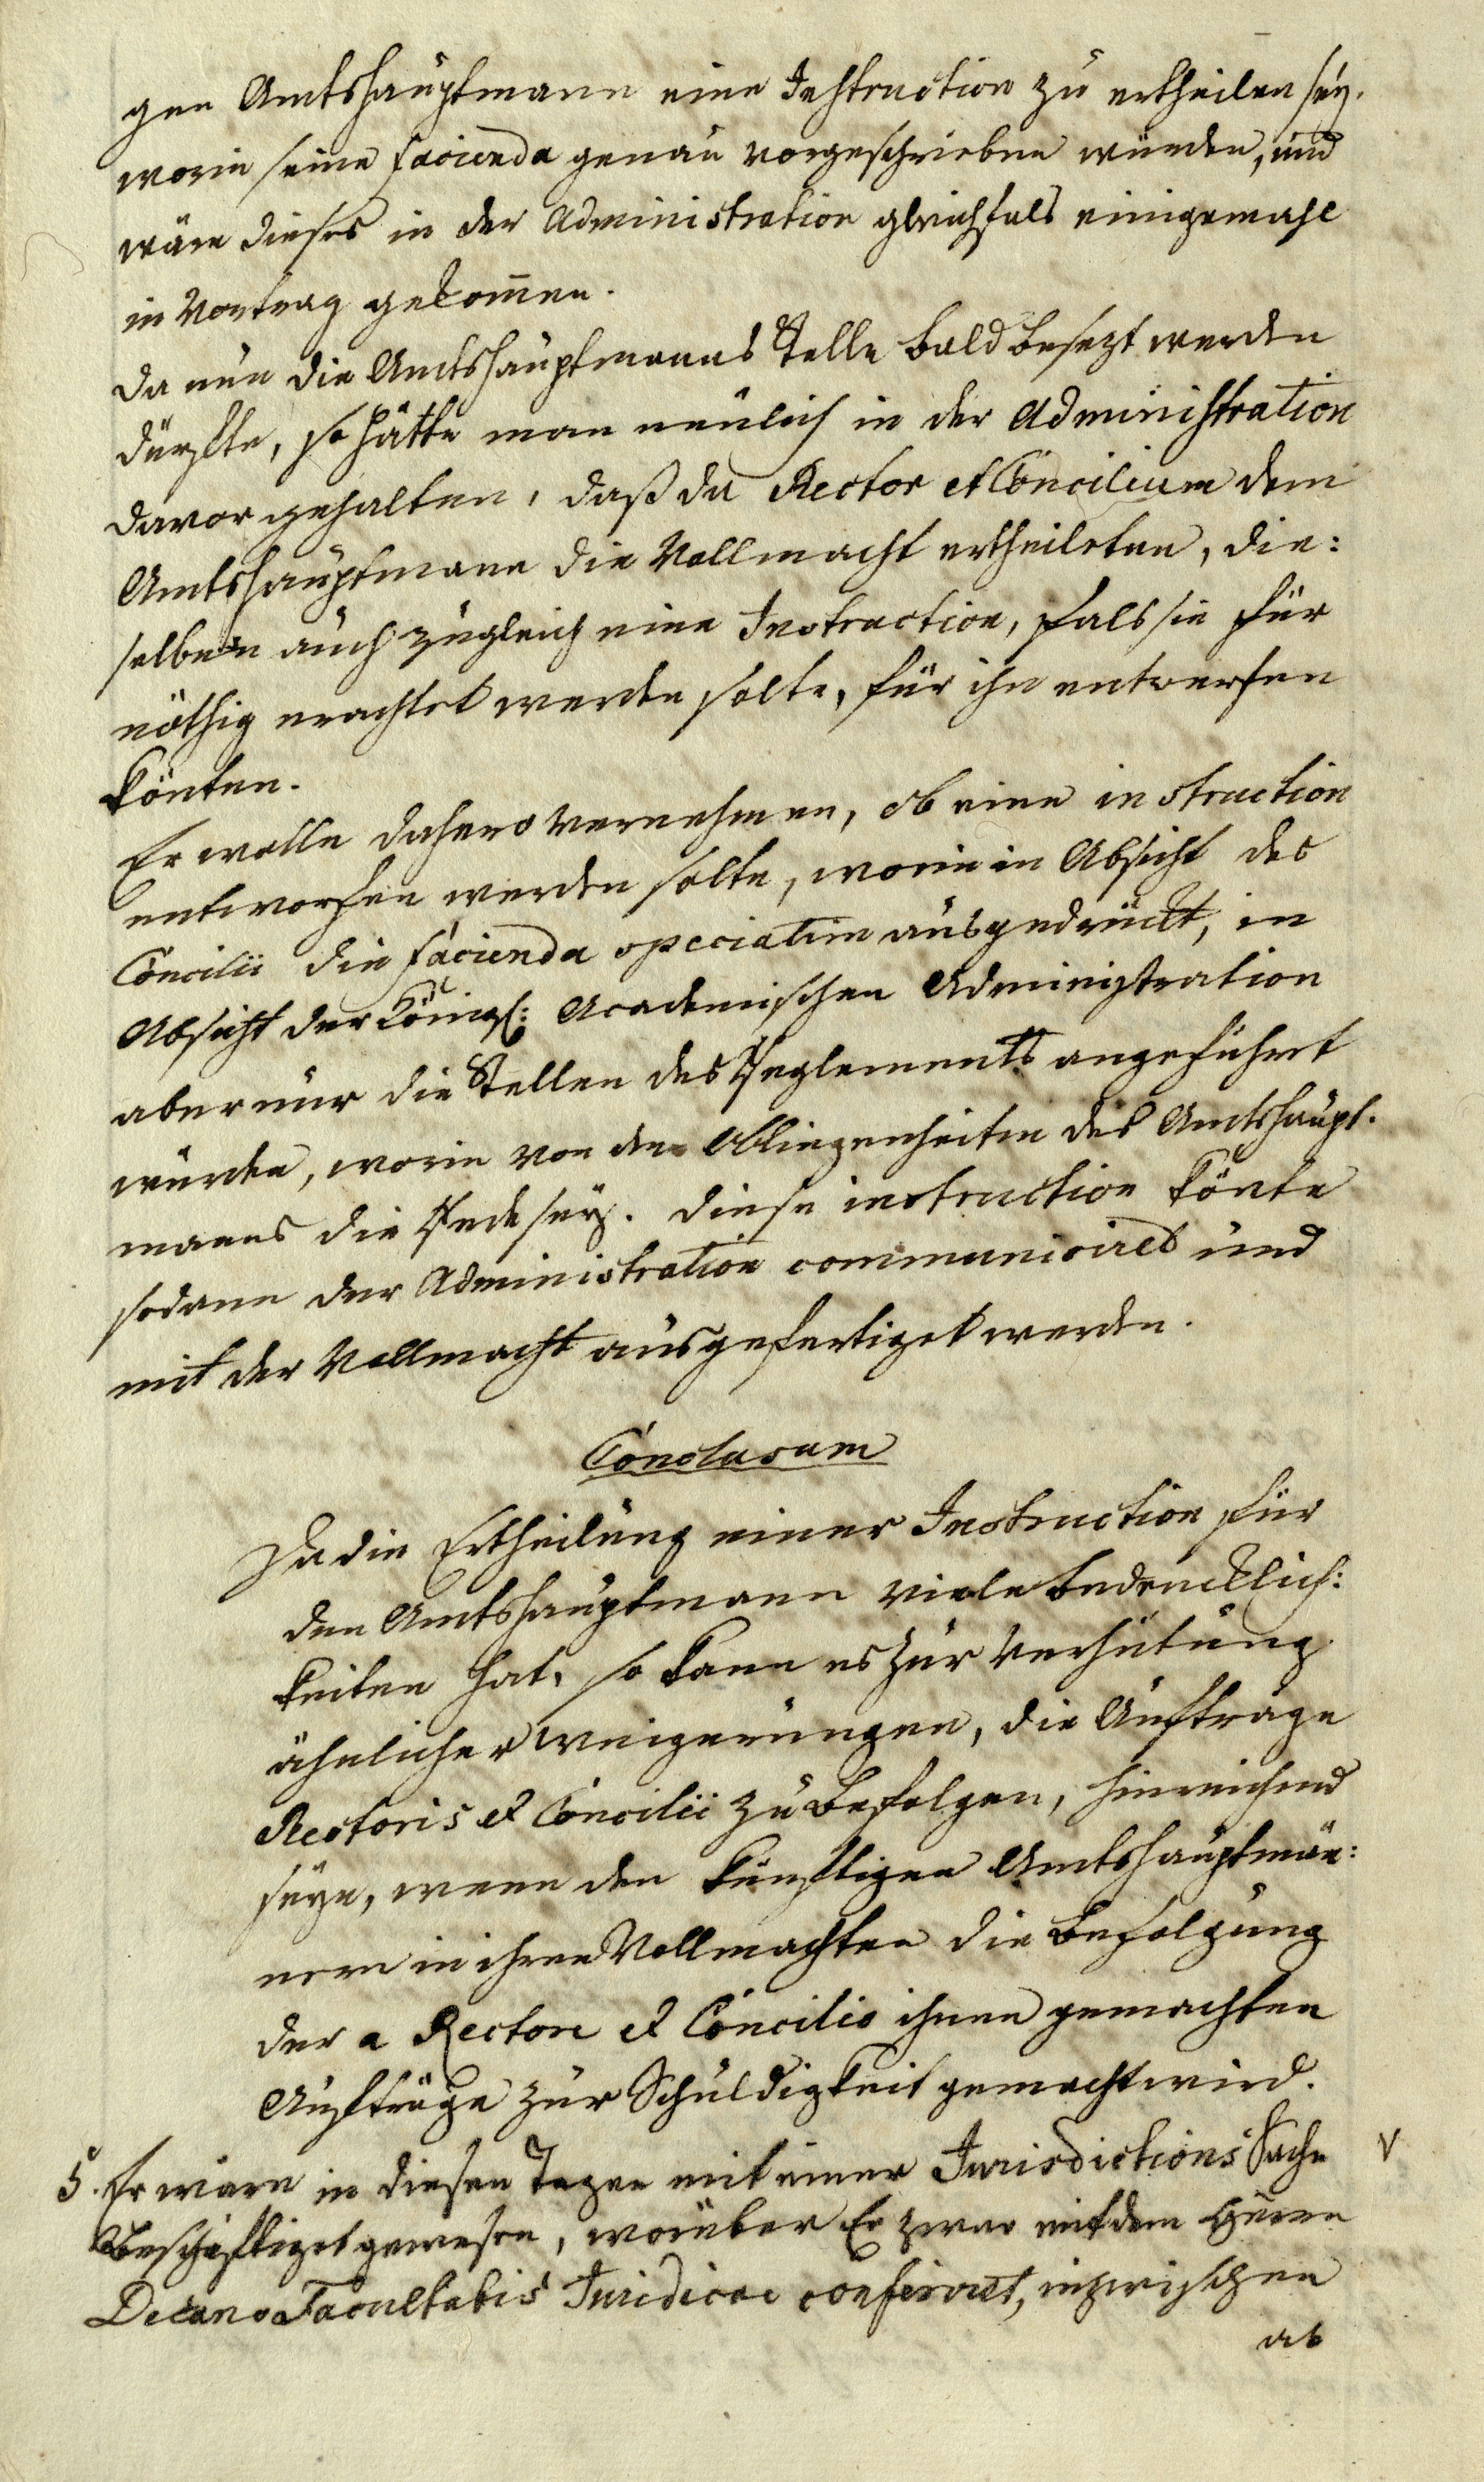gen Amtshauptmann eine Instruction zu ertheilen seÿ,
worin seine facienda genau vorgeschrieben würden, und
wäre dieses in der Administration gleichfals einigemahl
in Vortrag gekomen.
Da nun die Amtshauptmanns Stelle bald besezt werden
dürfte, so hätte man neulich in der Administration
davor gehalten, daß der Rector et Concilium dem
Amtshauptmann die Vollmacht ertheileten, die¬
selben auch zugleich eine Instruction, fals sie für
nöthig erachtet werden solte, für ihn entwerfen
könten.
Er wolle dahero vernehmen, ob eine instruction
entworfen werden solte, worin in Absicht des
Concilii die Facienda opeciatim ausgedrückt, in
Absicht der Königl. Academischen Administration
aber nur die Stellen des Reglements angeführet
würden, worin von den Obligenheiten des Amtshaupt¬
manns die Rede seÿ. Diese instruction könte,
sodann der Administration communiciret und
mit der Vollmacht ausgefertigt werden.
Conclusum
Da die Ertheilung einer Instruction für
den Amtshauptmann viele Bedencklich¬
keiten hat, so kann es zur Verhütung
ähnlicher Weigerungen, die Aufträge
Rectoris et Concilii zu befolgen, hinreichend
seÿn, wenn den künftigen Amtshauptmän¬
nern in ihren Vollmachten die Befolgung
der a Rectore et Concilio ihnen gemachten
Aufträge zur Schuldigkeit gemacht wird.
5. Er wäre in diesen Tagen mit einer Jurisdictions Sache
beschäftiget gewesen, worüber Er zwar mit dem Herrn
Decano Facultatis Juridicae conferiret, inzwischen
ab